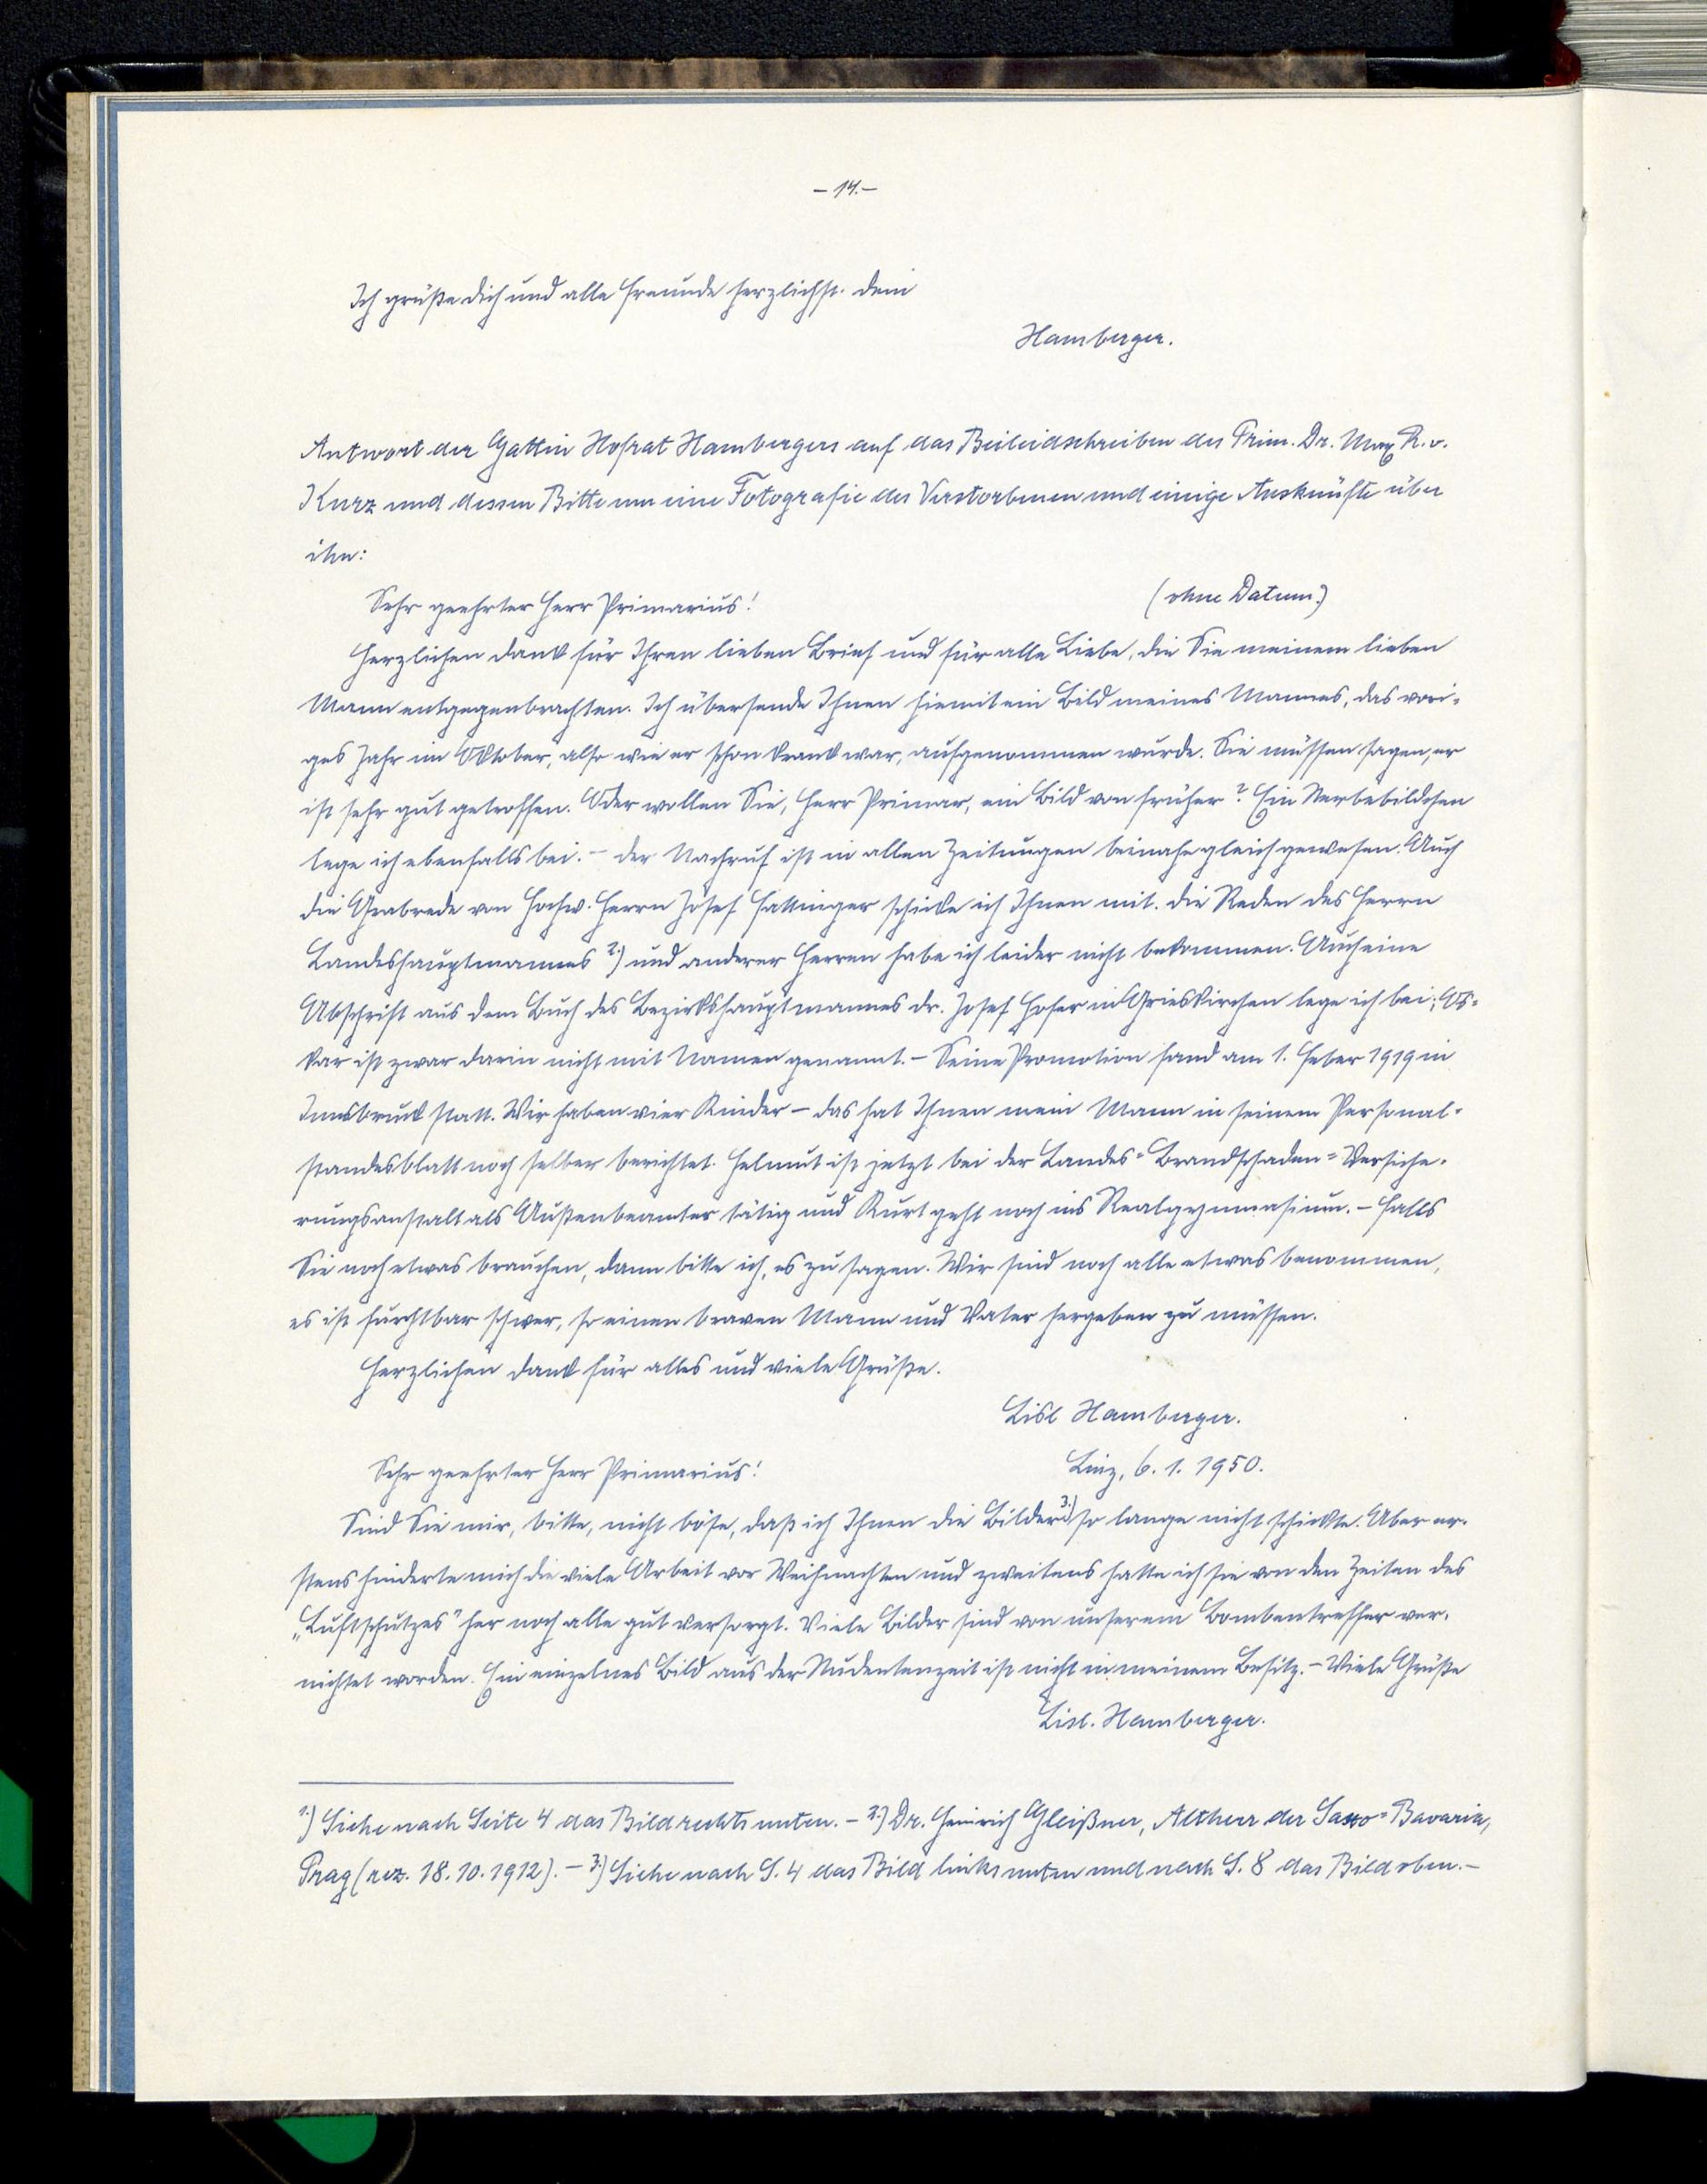14
Ich grüße dich und deine Freunde herzlichst dein
Hamberger
Antwort der Gattin Hofrat Hambergers auf das Beileidschreiben dan Prim.Dr. Max R. v.
Kurz und dessen Bitte um eine Fotografie des Verstorbenen und einige Auskünfte über
ihn:
Sehr geehrter Herr Primarius!
(ohne Datum)
Herzlichen Dank für Ihren lieben Brief und für alle Liebe, die sie meinem lieben
Mann entgegen brachten. Ich übersende Ihnen hiermit ein Bild meines Mannes, das vori-
ges Jahr im Oktober, also wie er schon krank war, aufgenommen wurde. Sie müssen sagen, er
ist sehr gut getroffen. Oder wollen Sie, Herr Primar, ein Bild von früher? Ein Sterbebildchen
lege ich ebenfalls bei. Der Nachruf ist in allen Zeitungen beinahe gleich gewesen. Auch
die Grabrede von Hochw. Herrn Josef Fattinger schicke ich Ihnen mit. Die Rede des Herrn
Landeshauptmanns 1) und anderer Herrn habe ich leider nicht bekommen. Auch eine
Abschrift aus dem Buch des Bezirks Hauptmannes Dr. Josef Hofer in Grieskirchen lege ich bei. Os-
kar ist zwar darin nicht mit Namen genannt. Seine Promotion fand am 1. Februar 1919 in
Innsbruck statt. Wir haben vier Kinder - Das hat ihnen mein Mann in seinem Personal-
standesblatt noch selber berichtet. Helmut ist jetzt bei der Landes-Brandschaden Versiche
rungsanstalt als Außenbeamter tätig und Kurt geht noch ins Realgymnasium.- Falls
Sie noch etwas brauchen, dann bitte ich, es zu sagen. Wir sind noch alle etwas benommen,
es ist furchtbar schwer, so einen braven Mann und Vater hergeben zu müssen.
Herzlichen Dank für alles und viele Grüße.
Liesl Hamberger
Sehr geehrter Herr Primarius!
Linz 6.1.1950.
Sind Sie mir, bitte, nicht böse, dass ich Ihnen die Bilder so lange nicht schickte. Aber er
stens hinderte mich die viele Arbeit vor Weihnachten und zweitens halte ich sie von den Zeiten des
„Luftschutzes“ her noch alle gut versorgt. Viele Bilder sind von unserem Bombentreffer ver
nichtet worden. Ein einzelnes Bild aus der Studentenzeit ist nicht in meinem Besitz. - Viele Grüße
Lisl Hamberger
1) Siehe nach Seite 4 das Bild rechts unten.- 2) Dr. Heinrich Gleißner, Altherr der Saxo-Bavaria,
Prag (rez. 18.10.1912).- 3) Siehe nach S. 4 das Bild links unten und nach S. 8 das Bild oben.-